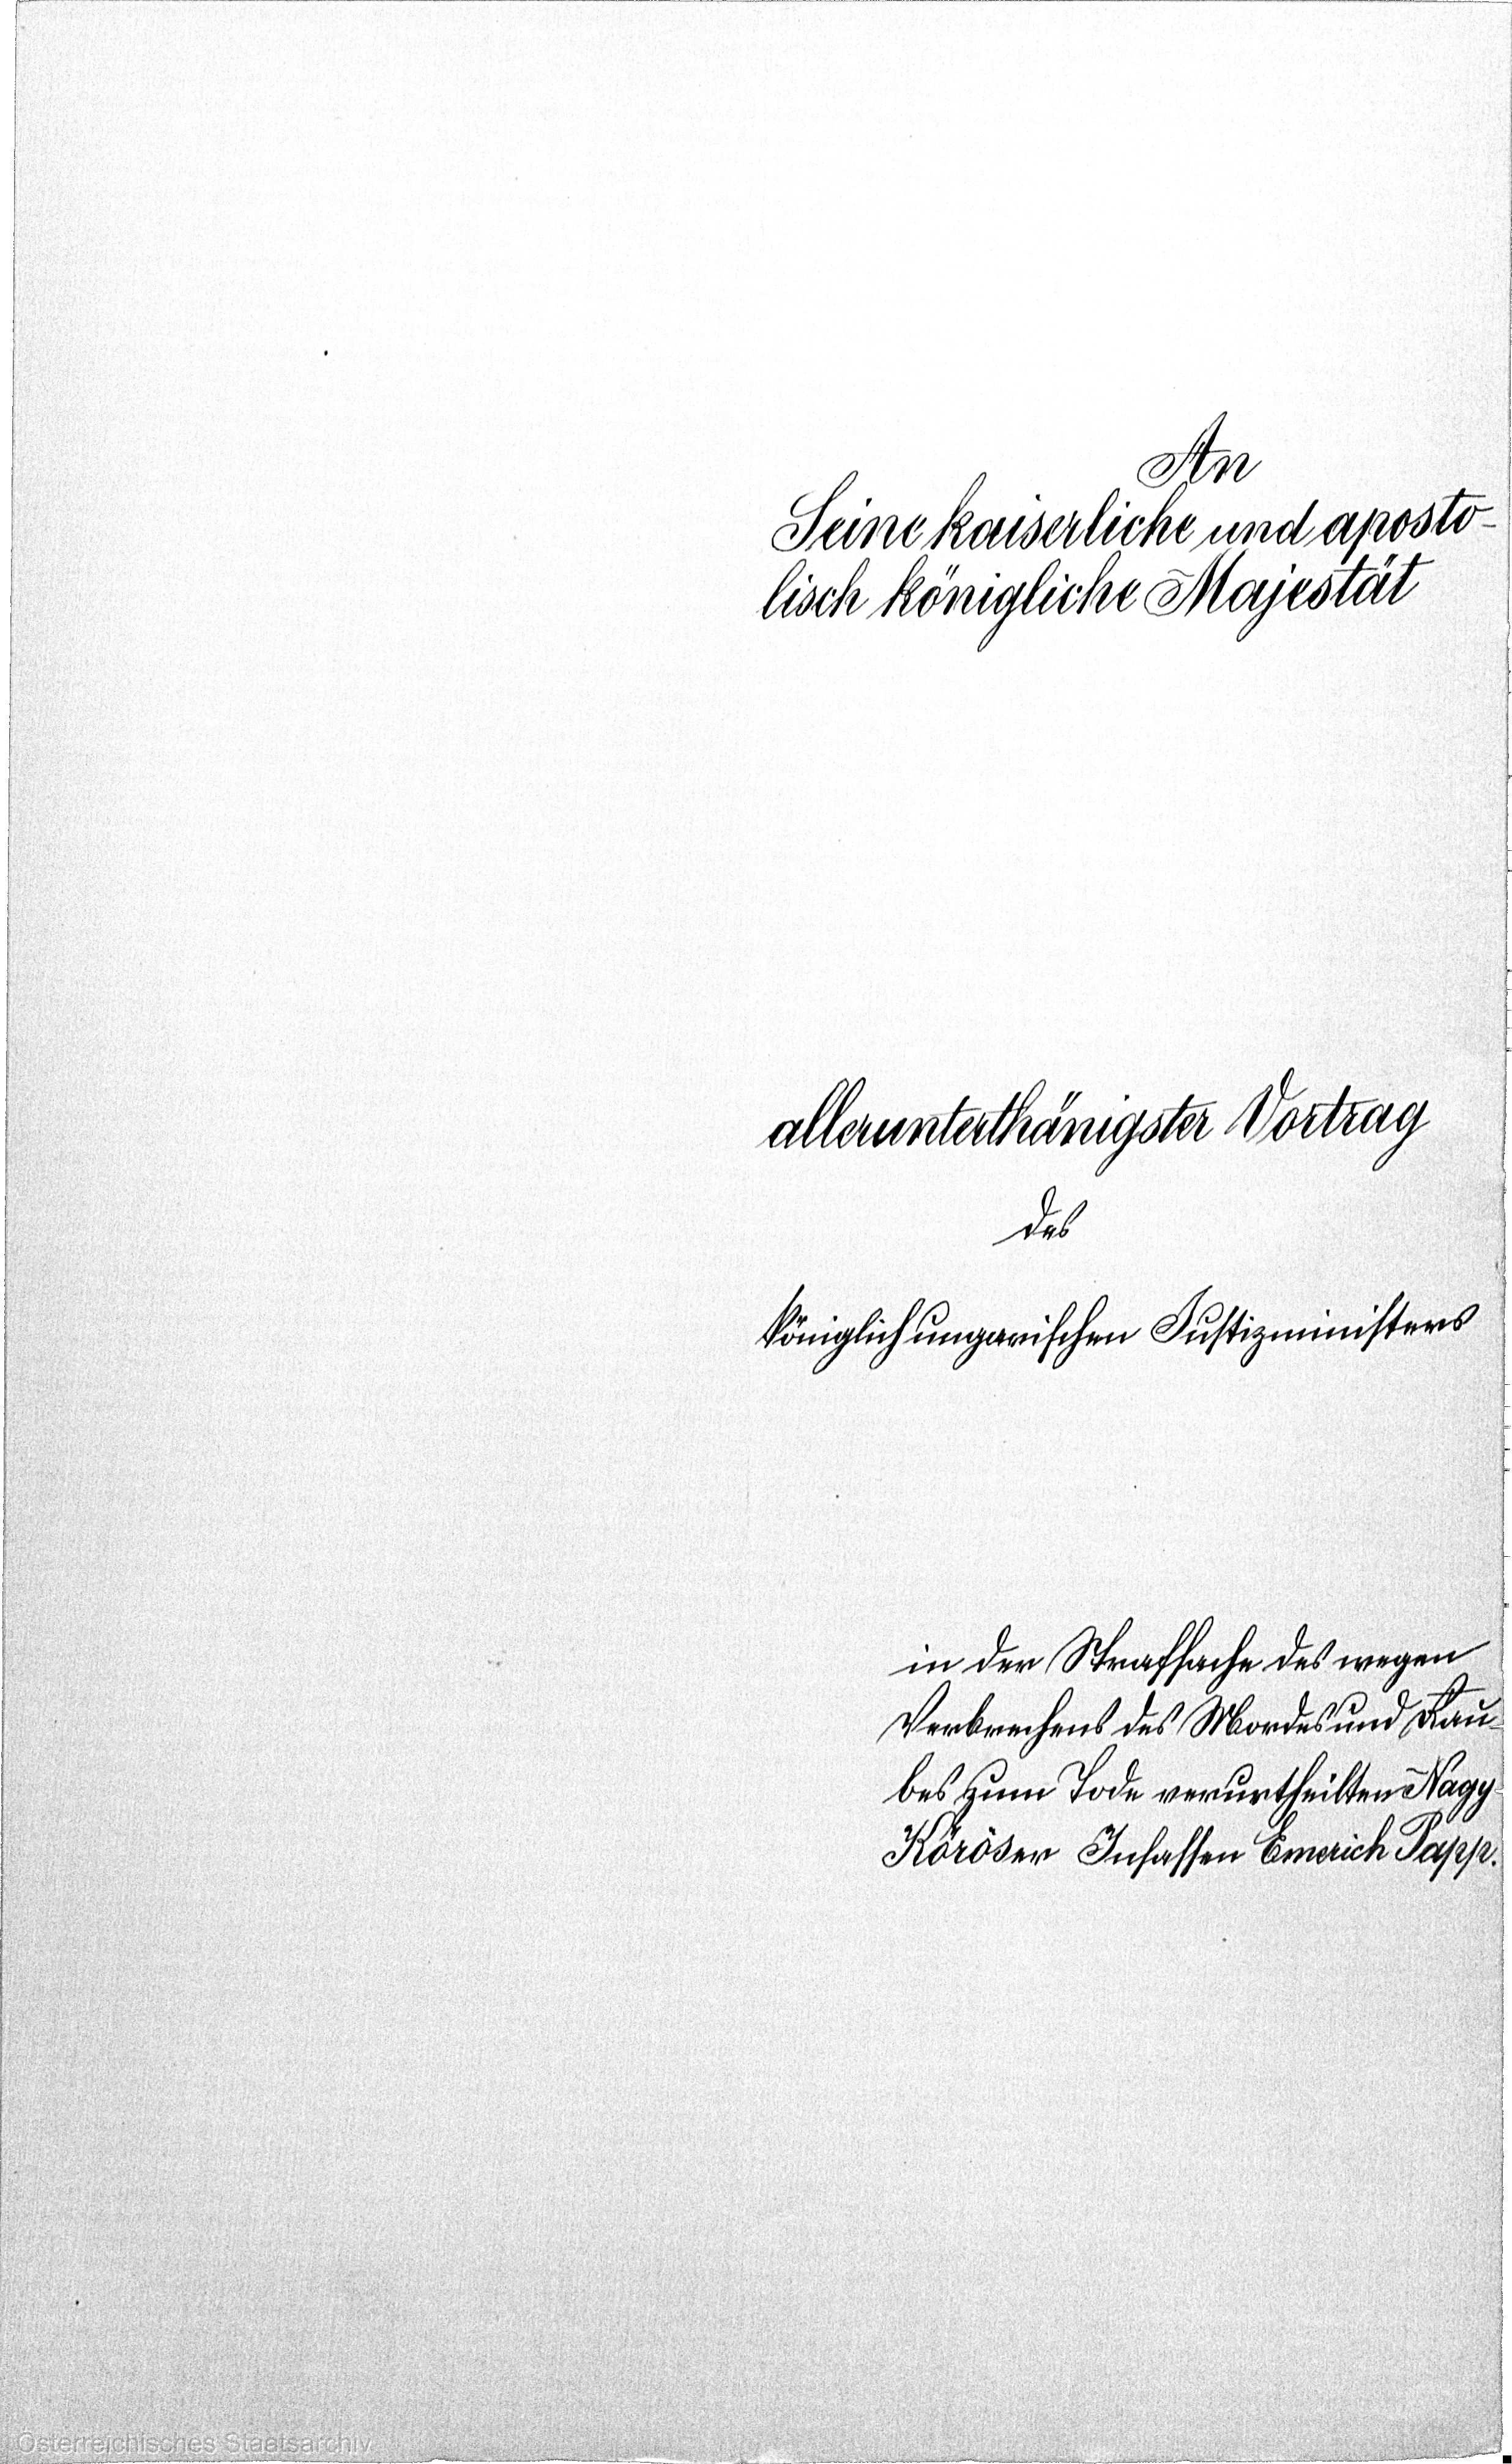An
seine kaiserliche und aposto¬
lisch königliche Majestät
Allerunterthänigster Vortrag
Des
Königlich ungarischen Justizministers
In der Strafsache des wegen
Verbrechens des Mordes und Rau¬
bes zum Tode verurtheilten Nagy¬
Kőröser Insassen Emerich Papp.